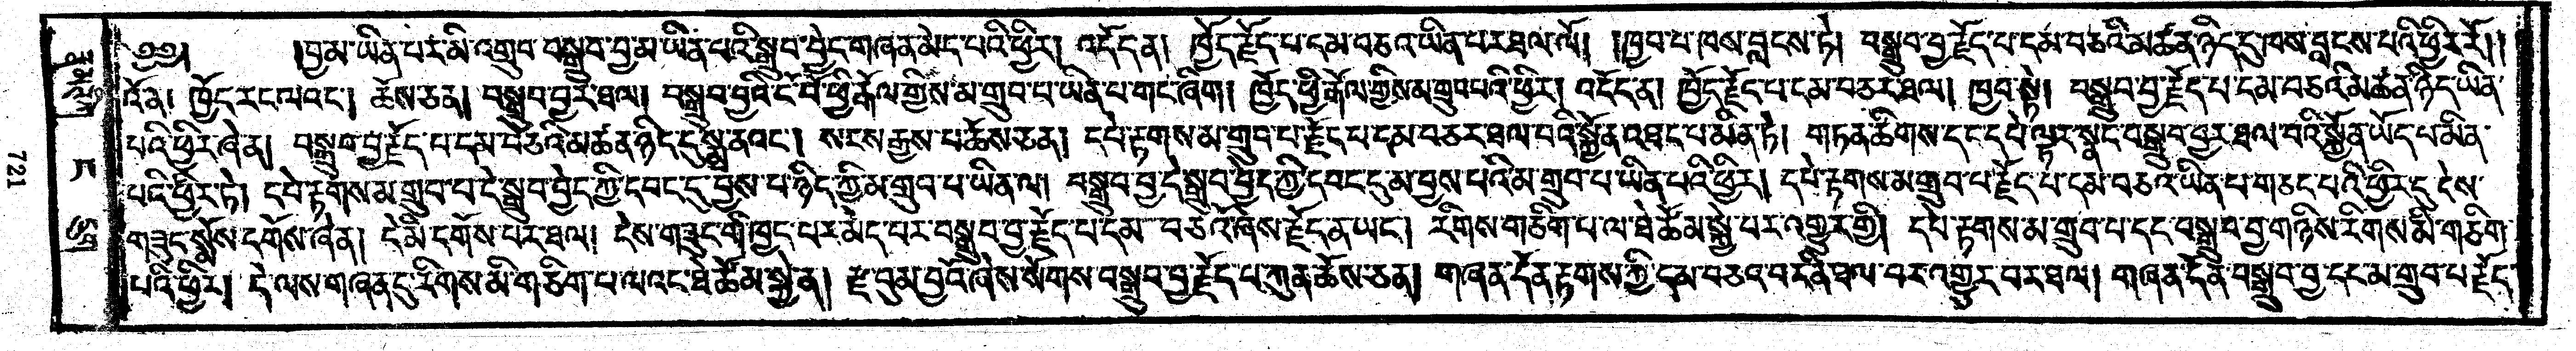༄༅། །བྱ་མ་ཡིན་པར་མི་འགྲུབ་བསྒྲུབ་བྱ་མ་ཡིན་པའི་སྒྲུབ་བྱེད་གཞན་མེད་པའི་ཕྱིར། འདོད་ན། ཁྱོད་རྗོད་པ་དམ་བཅའ་ཡིན་པར་ཐལ་ལོ། །ཁྱབ་པ་ཁས་བླངས་ཏེ། བསྒྲུབ་བྱ་རྗོད་པ་དམ་བཅའི་མཚན་ཉིད་དུ་ཁས་བླངས་པའི་ཕྱིར་རོ།།
འོ་ན། ཁྱོད་རང་ལའང་། ཆོས་ཅན། བསྒྲུབ་བྱར་ཐལ། བསྒྲུབ་བྱའི་ངོ་བོ་ཕྱི་རྒོལ་གྱིས་མ་གྲུབ་པ་ཡིན་པ་གང་ཞིག། ཁྱོད་ཕྱི་རྒོལ་གྱིས་མ་གྲུབ་པའི་ཕྱིར། འདོད་ན། ཁྱོད་རྗོད་པ་དམ་བཅར་ཐལ། ཁྱབ་སྟེ། བསྒྲུབ་བྱ་རྗོད་པ་དམ་བཅའི་མཚན་ཉིད་ཡིན་
པའི་ཕྱིར་ཞེ་ན། བསྒྲུབ་བྱ་རྗོད་པ་དམ་བཅའི་མཚན་ཉིད་དུ་སྨྲ་ནའང་། སངས་རྒྱས་པ་ཆོས་ཅན། དཔེ་རྟགས་མ་གྲུབ་པ་རྗོད་པ་དམ་བཅར་ཐལ་བའི་སྐྱོན་འཐང་པ་མིན་ཏེ། གཏན་ཚིགས་དང་དཔེ་ལྟར་སྣང་བསྒྲུབ་བྱར་ཐལ་བའི་སྐྱོན་ཡོད་པ་མིན་
པའི་ཕྱིར་ཏེ། དཔེ་རྟགས་མ་གྲུབ་པ་དེ་སྒྲུབ་བྱེད་ཀྱི་དབང་དུ་བྱས་པ་ཉིད་ཀྱི་མ་གྲུབ་པ་ཡིན་ལ། བསྒྲུབ་བྱ་དེ་སྒྲུབ་བྱེད་ཀྱི་དབང་དུ་མ་བྱས་པའི་མ་གྲུབ་པ་ཡིན་པའི་ཕྱིར། དཔེ་རྟགས་མ་གྲུབ་པ་རྗོད་པ་དམ་བཅའ་ཡིན་པ་གཅང་བའི་ཕྱིར་དུ་ངེས་
གཟུང་སྨོས་དགོས་ཞེ་ན། དེ་མི་དགོས་པར་ཐལ། ངེས་གཟུང་གི་ཁྱད་པར་མེད་པར་བསྒྲུབ་བྱ་རྗོད་པ་དམ་བཅའོ་ཞེས་རྗོད་ན་ཡང་། རིགས་གཅིག་པ་ལ་ཐེ་ཚོམ་སྐྱེ་བར་འགྱུར་གྱི། དཔེ་རྟགས་མ་གྲུབ་པ་དང་བསྒྲུབ་བྱ་གཉིས་རིགས་མི་གཅིག་
པའི་ཕྱིར། དེ་ལས་གཞན་དུ་རིགས་མི་གཅིག་པ་ལའང་ཐེ་ཚོམ་སྐྱེ་ན། རྫ་བུམ་བྱའོ་ཞེས་སོགས་བསྒྲུབ་བྱ་རྗོད་པ་ཀུན་ཆོས་ཅན། གཞན་དོན་རྟགས་ཀྱི་དམ་བཅའ་བར་ནི་ཐལ་བར་འགྱུར་བར་ཐལ། གཞན་དོན་བསྒྲུབ་བྱ་དང་མ་གྲུབ་པ་རྗོད་